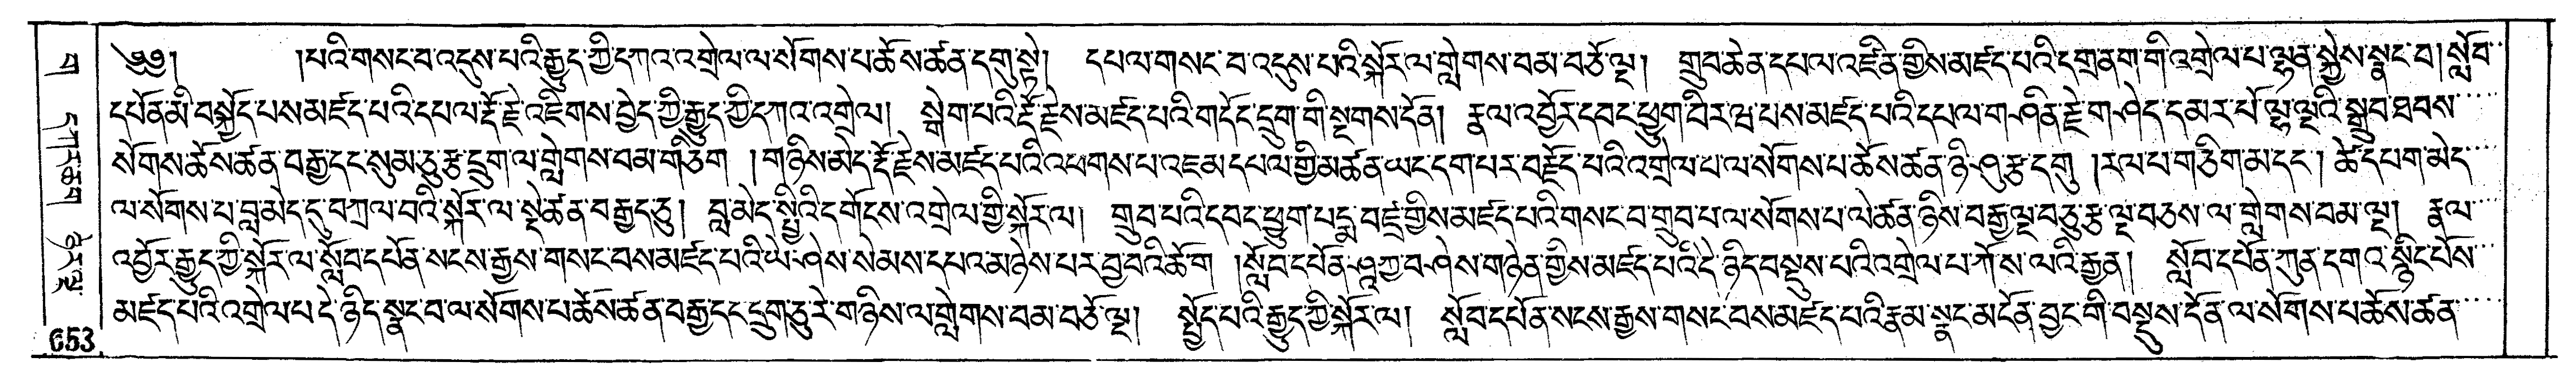༄༅། །པའི་གསང་བ་འདུས་པའི་རྒྱུད་ཀྱི་དཀའ་འགྲེལ་ལ་སོགས་པ་ཆོས་ཚན་དགུ་སྟེ། དཔལ་གསང་བ་འདུས་པའི་སྐོར་ལ་གླེགས་བམ་བཅོ་ལྔ། གྲུབ་ཆེན་དཔལ་འཛིན་གྱིས་མཛད་པའི་དགྲ་ནག་གི་འགྲེལ་པ་ལྷན་སྐྱེས་སྣང་བ། སློབ་
དཔོན་མི་བསྐྱོད་པས་མཛད་པའི་དཔལ་རྡོ་རྗེ་འཇིགས་བྱེད་ཀྱི་རྒྱུད་ཀྱི་དཀའ་འགྲེལ། སྒེག་པའི་རྡོ་རྗེས་མཛད་བའི་གདོང་དྲུག་གི་སྔགས་དོན། རྣལ་འབྱོར་དབང་ཕྱུག་བིར་ཝ་བས་མཛད་པའི་དཔལ་གཤིན་རྗེ་གཤེད་དམར་པོ་ལྷ་ལྔའི་སྒྲུབ་ཐབས་
སོགས་ཆོས་ཚན་བརྒྱ་དང་སུམ་ཅུ་རྩ་དྲུག་ལ་གླེགས་བམ་གཅིག །གཉིས་མེད་རྡོ་རྗེས་མཛད་པའི་འཕགས་པ་འཇམ་དཔལ་གྱི་མཚན་ཡང་དག་པར་བརྗོད་པའི་འགྲེལ་པ་ལ་སོགས་པ་ཆོས་ཚན་ཉི་ཤུ་རྩ་དགུ །རལ་པ་གཅིག་མ་དང་། ཚེ་དཔག་མེད་
ལ་སོགས་པ་བླ་མེད་དུ་བཀྲལ་བའི་སྐོར་ལ་སྡེ་ཚན་བརྒྱད་ཅུ། བླ་མེད་སྤྱིའི་དགོངས་འགྲེལ་གྱི་སྐོར་ལ། གྲུབ་པའི་དབང་ཕྱུག་པདམ་བཛྲ་གྱིས་མཛད་པའི་གསང་བ་གྲུབ་པ་ལ་སོགས་པ་ལེ་ཚན་ཉིས་བརྒྱ་ལྔ་བཅུ་རྩ་ལྔ་བཅས་ལ་གླེགས་བམ་ལྔ། རྣལ་
འབྱོར་རྒྱུད་ཀྱི་སྐོར་ལ་སློབ་དཔོན་སངས་རྒྱས་གསང་བས་མཛད་པའི་ཡེ་ཤེས་སེམས་དཔའ་མཉེས་པར་བྱ་བའི་ཆོ་ག །སློབ་དཔོན་ཤཱཀྱ་བཤེས་གཉེན་གྱིས་མཛད་པའི་དེ་ཉིད་བསྡུས་པའི་འགྲེལ་པ་ཀོ་ས་ལའི་རྒྱན། སློབ་དཔོན་ཀུན་དགའ་སྙིང་པོས་
མཛད་པའི་འགྲེལ་པ་དེ་ཉིད་སྣང་བ་ལ་སོགས་པ་ཆོས་ཚན་བརྒྱ་དང་དྲུག་ཅུ་རེ་གཉིས་ལ་གླེགས་བམ་བཅོ་ལྔ། སྤྱོད་པའི་རྒྱུད་ཀྱི་སྐོར་ལ། སློབ་དཔོན་སངས་རྒྱས་གསང་བས་མཛད་པའི་རྣམ་སྣང་མངོན་བྱང་གི་བསྡུས་དོན་ལ་སོགས་པ་ཆོས་ཚན་